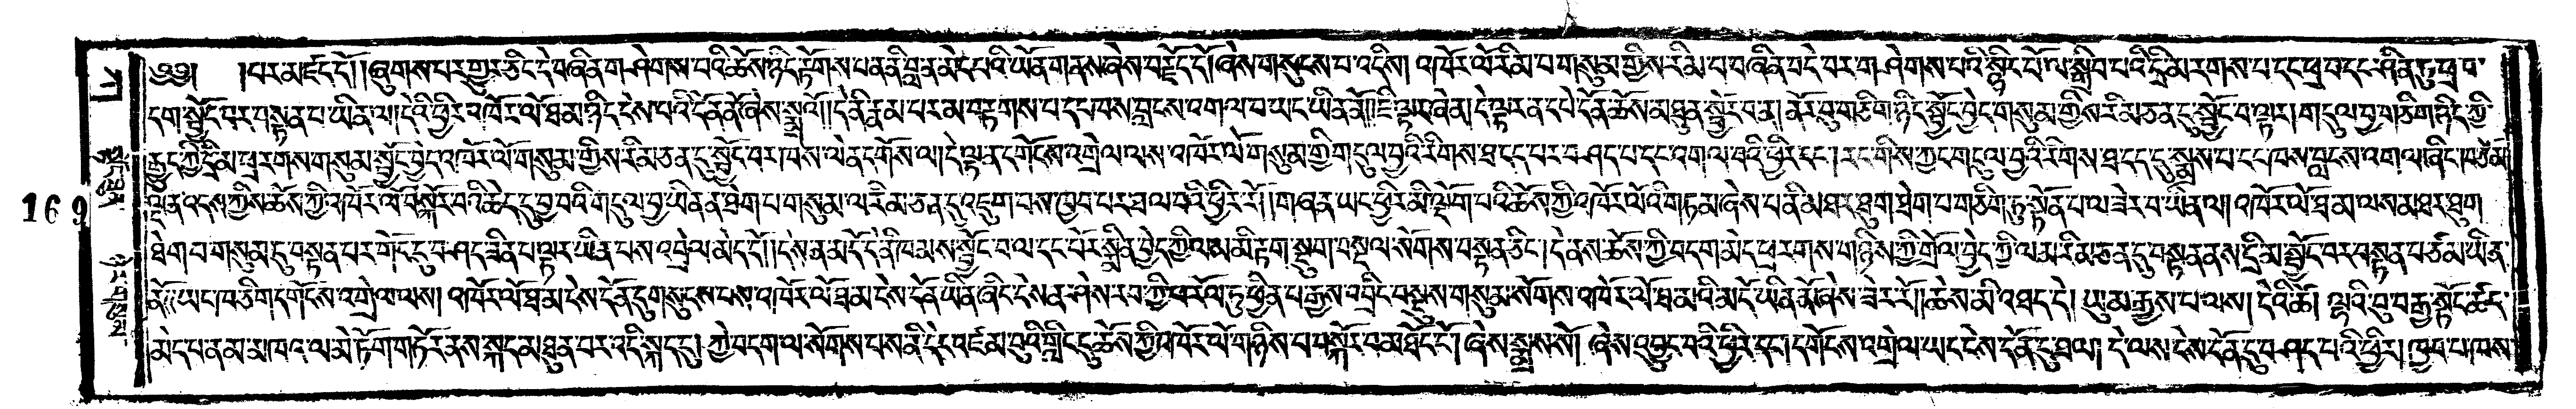༄༅། །པར་མཛད་དོ། །ཞུགས་པར་གྱུར་ཅིང་དེ་བཞིན་གཤེགས་པའི་ཆོས་ཉིད་རྟོགས་པ་ན་ནི་བླ་ན་མེད་པའི་ཡོན་གནས་ཞེས་བརྗོད་དོ། ཞེས་གསུངས་པ་འདིས། འཁོར་ལོ་རིམ་པ་གསུམ་གྱིས་རིམ་པ་བཞིན་བདེ་བར་གཤེགས་པའི་སྙིང་པོ་ལ་སྒྲིབ་པའི་དྲི་མ་རགས་པ་དང་ཕྲ་བ་དང་ཤིན་ཏུ་ཕྲ་བ་
དག་སྦྱོང་བར་བསྟན་པ་ཡིན་ལ། དེའི་ཕྱིར་འཁོར་ལོ་ཐ་མ་ཉིད་ངེས་པའི་དོན་ནོ་ཞེས་སྨྲའོ། །དེ་ནི་རྣམ་པར་མ་བརྟགས་པ་དང་ཁས་བླངས་འགལ་བ་ཡང་ཡིན་ནོ། །ཇི་ལྟར་ཞེ་ན། དེ་ལྟར་ན་དཔེ་དོན་ཆོས་མཐུན་སྦྱོར་བ་ན། ནོར་བུ་གཅིག་ཉིད་སྦྱོང་བྱེད་གསུམ་གྱིས་རིམ་ཅན་དུ་སྦྱོང་བ་ལྟར། གདུལ་བྱ་གཅིག་ཉིད་ཀྱི་
རྒྱུད་ཀྱི་དྲི་མ་ཕྲ་རགས་གསུམ་སྦྱོང་བྱེད་འཁོར་ལོ་གསུམ་གྱིས་རིམ་ཅན་དུ་སྦྱོང་བར་ཁས་ལེན་དགོས་ལ། དེ་ལྟ་ན་དགོངས་འགྲེལ་ལས་འཁོར་ལོ་གསུམ་གྱི་གདུལ་བྱའི་རིགས་ཐ་དད་པར་བཤད་པ་དང་འགལ་བའི་ཕྱིར་དང་། རང་གིས་ཀྱང་གདུལ་བྱའི་རིགས་ཐ་དད་དུ་སྨྲས་པ་དང་ཁས་བླངས་འགལ་ཞིང་། བཅོམ་
ལྡན་འདས་ཀྱིས་ཆོས་ཀྱི་འཁོར་ལོ་བསྐོར་བའི་ཆེད་དུ་བྱ་བའི་གདུལ་བྱ་ཡིན་ན་ཐེག་པ་གསུམ་ལ་རིམ་ཅན་དུ་འཇུག་པས་ཁྱབ་པར་ཐལ་བའི་ཕྱིར་རོ། །གཞན་ཡང་ཕྱིར་མི་ལྡོག་པའི་ཆོས་ཀྱི་འཁོར་ལོའི་གཏམ་ཞེས་པ་ནི་མཐར་ཐུག་ཐེག་པ་གཅིག་ཏུ་སྟོན་པ་ལ་ཟེར་བ་ཡིན་ལ། འཁོར་ལོ་ཐ་མ་ལས་མཐར་ཐུག་
ཐེག་པ་གསུམ་དུ་བསྟན་པར་གོང་དུ་བཤད་ཟིན་པ་ལྟར་ཡིན་པས་འབྲེལ་མེད་དོ། །དེས་ན་མདོ་དེ་ནི་ཁམས་སྦྱོང་བ་ལ་དང་པོར་སྨིན་བྱེད་ཀྱི་ལས་མི་རྟག་སྡུག་བསྔལ་སོགས་བསྟན་ཅིང་། དེ་ནས་ཆོས་ཀྱི་བདག་མེད་ཕྲ་རགས་གཉིས་ཀྱི་གྲོལ་བྱེད་ཀྱི་ལམ་རིམ་ཅན་དུ་བསྟན་ནས་དྲི་མ་སྦྱོང་བར་བསྟན་པ་ཙམ་ཡིན་
ནོ༑ ༑ཡང་ཁ་ཅིག་དགོངས་འགྲེལ་ལས། འཁོར་ལོ་ཐ་མ་ངེས་དོན་དུ་གསུངས་པས་འཁོར་ལོ་ཐ་མ་ངེས་དོན་ཡིན་ཞིང་ངེས་ན་ཤེས་རབ་ཀྱི་ཕ་རོལ་ཏུ་ཕྱིན་པ་རྒྱས་འབྲིང་བསྡུས་གསུམ་སོགས་འཁོར་ལོ་ཐ་མའི་མདོ་ཡིན་ནོ་ཞེས་ཟེར་རོ། །ཆེས་མི་འཐད་དེ། ཡུམ་རྒྱས་པ་ལས། དེའི་ཚེ། ལྷའི་བུ་བརྒྱ་སྟོང་ཚད་
མེད་པ་ནམ་མཁའ་ལ་མེ་ཏོག་གཏོར་ནས་སྐད་མཐུན་པར་འདི་སྐད་དུ། ཀྱེ་བདག་ལ་སོགས་པས་ནི་དེང་འཛམ་བུའི་གླིང་དུ་ཆོས་ཀྱི་འཁོར་ལོ་གཉིས་པ་བསྐོར་བ་མཐོང་ངོ། ཞེས་སྨྲས་སོ། ཞེས་འབྱུང་བའི་ཕྱིར་དང་། དགོངས་འགྲེལ་ཡང་ངེས་དོན་དུ་ཐལ། དེ་ལས་ངེས་དོན་དུ་བཤད་པའི་ཕྱིར། ཁྱབ་པ་ཁས་